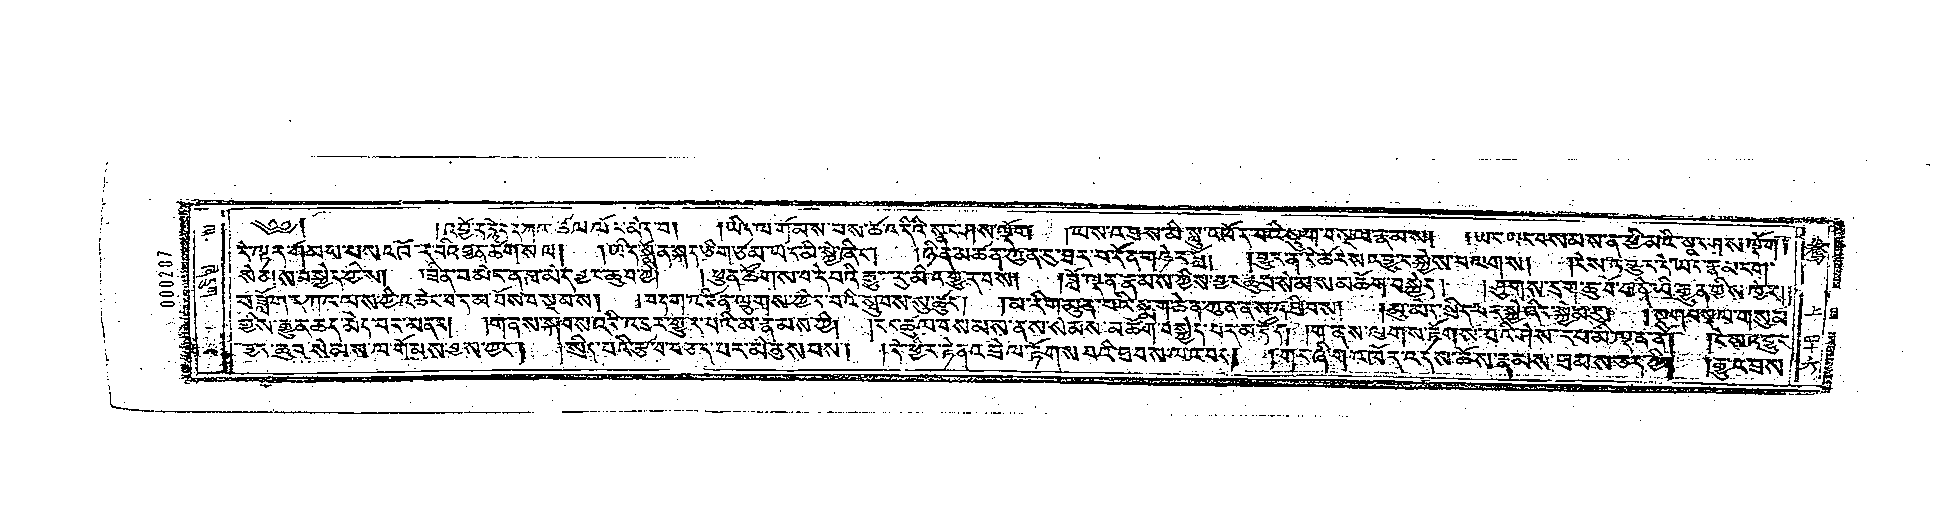༄༅། །འབྱོར་རྙེད་དཀའ་ཚལ་ལོང་མེད་བ། །ཡིད་ལ་གོམས་པས་ཚོ་འདིའི་སྣང་ཤས་ལྡོག །ལས་འབྲས་མི་སླུ་འཁོར་བའི་སྡུག་བསྔལ་རྣམས། །ཡང་ཡང་བསམས་ན་ཕྱི་མའི་སྣང་ཤས་ལྡོག།
དེ་ལྟར་གོམས་པས་འཁོར་བའི་བྱན་ཚོགས་ལ། །ཡིད་སྨོན་སྐད་ཅིག་ཙམ་ཡང་མི་སྐྱེ་ཞིང་། །ཉིན་མཚན་ཀུན་དུ་ཐར་པ་དོན་གཉེར་བློ། །བྱུང་ན་དེ་ཚོངས་འབྱུང་བསྐྱེས་པ་ལགས། །ངེས་འབྱུང་དེ་ཡང་རྣམ་དག་
སེམས་བསྐྱེད་ཀྱིས། །ཟིན་བ་མེད་ན་བླ་མེད་བྱང་ཆུབ་ཀྱི། །ཕུན་ཚོགས་བདེ་བའི་རྒྱུ་རུ་མི་འགྱུར་བས། །བློ་ལྡན་རྣམས་ཀྱིས་བྱང་ཆུབ་སེམས་མཆོག་བསྐྱེད། །ཤུགས་དྲག་ཆུ་བོ་བཞི་ཡི་རྒྱུན་གྱིས་ཁྱར།།
བཟློག་དཀའ་ལས་ཀྱི་འཆིང་བར་མ་བོས་བསྡམས། །བདག་འཛིན་ལྕགས་ཀྱིད་བའི་སྤུབས་སུ་ཚུད། །མ་རིག་མུན་བའི་སྨྲག་ཆེན་ཀུན་ནས་འཐིབས། །མུ་མེད་སྲིད་པར་སྐྱེ་ཞིང་སྐྱེམ་དུ། །སྡུག་བསྔལ་གསུམ་
གྱིས་རྒྱུན་ཆད་མེད་བར་མནར། །གནས་སྐབས་འདི་འདྲར་གྱུར་པའི་མི་རྣམས་ཀྱི། །དང་ཚུལ་བསམས་ནས་སེམས་མཆོག་བསྐྱེད་བར་མཛོད། །གནས་ལུགས་རྟོགས་པའི་ཤེས་རབ་མི་ལྡན་ན། །ངེས་འབྱུང་
བྱང་ཆུབ་སེམས་ལ་གོམས་བྱས་ཀྱང་། །སྲིད་པའི་རྩེ་བ་བཅད་པར་མི་ནུས་བས། །དེ་ཕྱིར་རྟེན་འབྲེལ་རྟོགས་བའི་ཐབས་ལ་འབད། །གང་ཞིག་འཁོར་འདས་ཆོས་རྣམས་ཐམས་ཅད་ཀྱི། །རྒྱུ་འཐས་